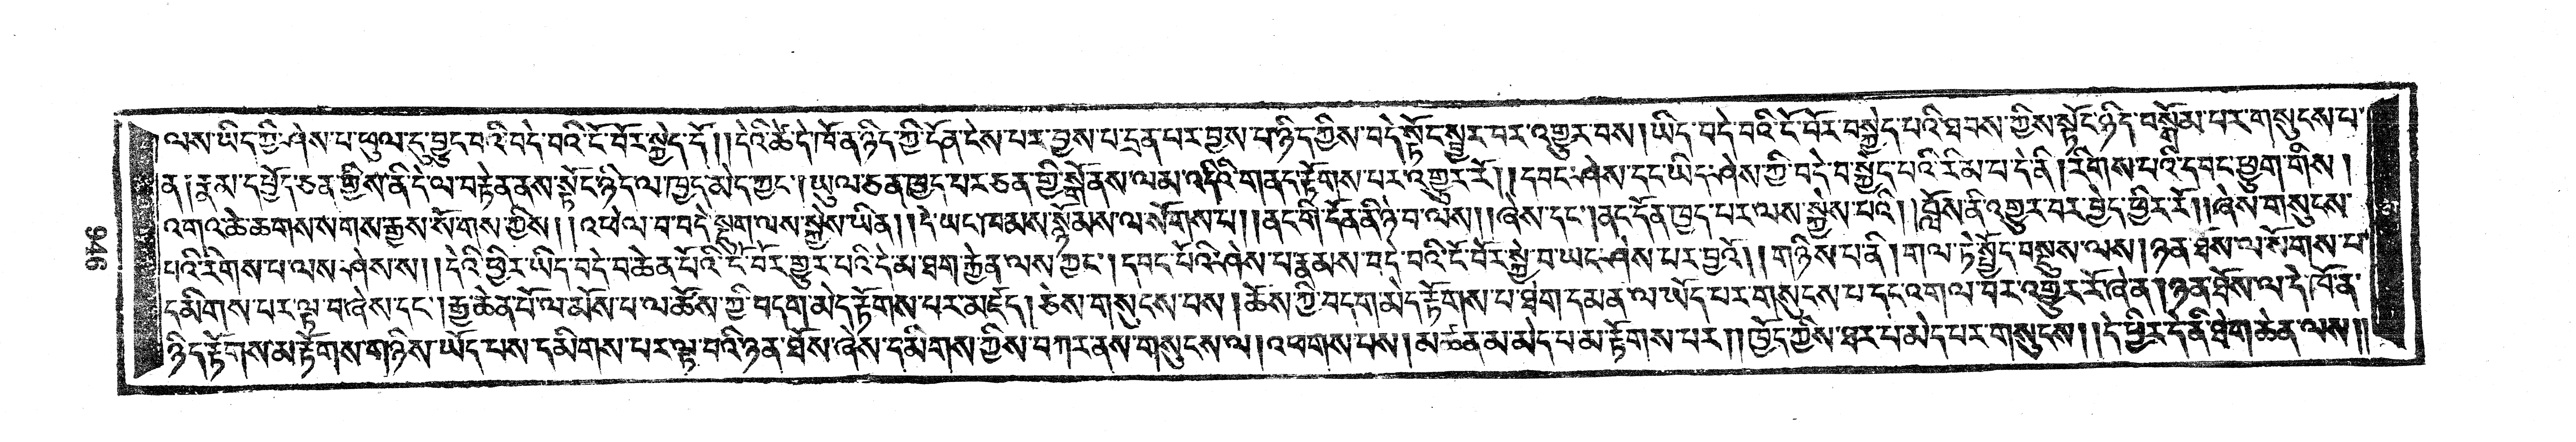ལས་ཡིད་ཀྱི་ཤེས་པ་ཕུལ་དུ་བྱུང་བའི་བདེ་བའི་ངོ་བོར་སྐྱེད་དོ། །དེའི་ཚེ་དེ་ཁོ་ན་ཉིད་ཀྱི་དོན་ངེས་པར་བྱས་པ་དྲན་པར་བྱས་པ་ཉིད་ཀྱིས་བདེ་སྟོང་སྦྱར་བར་འགྱུར་བས། ཡིད་བདེ་བའི་ངོ་བོར་བསྐྱེད་པའི་ཐབས་ཀྱིས་སྟོང་ཉིད་བསྒོམ་པར་གསུངས་པ་
ན། རྣམ་དཔྱོད་ཅན་གྱིས་ནི་དེ་ལ་བརྟེན་ནས་སྟོང་ཉིད་ལ་ཁྱད་མེད་ཀྱང་། ཡུལ་ཅན་ཁྱད་པར་ཅན་གྱི་སྒོ་ནས་ལམ་འདིའི་གནད་རྟོགས་པར་འགྱུར་རོ། །དབང་ཤེས་དང་ཡིད་ཤེས་ཀྱི་བདེ་བ་སྐྱེད་པའི་རིམ་པ་དེ་ནི། རིགས་པའི་དབང་ཕྱུག་གིས།
འགའ་ཚེ་ཆགས་སགས་རྒྱས་སོགས་ཀྱིས། །འཕེལ་བ་བདེ་སྡུག་ལས་སྐྱེས་ཡིན། །དེ་ཡང་ཁམས་སྙོམས་ལ་སོགས་པ། །ནང་གི་དོན་ནི་ཉེ་བ་ལས། །ཞེས་དང་། ནང་དོན་ཁྱད་པར་ལས་སྐྱེས་པའི། །བློས་ནི་འགྱུར་བར་བྱེད་ཕྱིར་རོ། །ཞེས་གསུངས་
པའི་རིགས་པ་ལས་ཤེས་སོ། །དེའི་ཕྱིར་ཡིད་བདེ་བ་ཆེན་པོའི་ངོ་བོར་གྱུར་པའི་དེ་མ་ཐག་རྐྱེན་ལས་ཀྱང་། དབང་པོའི་ཤེས་པ་རྣམས་བདེ་བའི་ངོ་བོར་སྐྱེ་བ་ཡང་ཤེས་པར་བྱའོ། །གཉིས་པ་ནི། གལ་ཏེ་སྤྱོད་བསྡུས་ལས། ཉན་ཐོས་ལ་སོགས་པ་
དམིགས་པར་ལྟ་བ་ཞེས་དང་། རྒྱ་ཆེན་པོ་ལ་མོས་པ་ལ་ཆོས་ཀྱི་བདག་མེད་རྟོགས་པར་མཛད། ཅེས་གསུངས་པས། ཆོས་ཀྱི་བདག་མེད་རྟོགས་པ་ཐག་དམན་ལ་ཡོད་པར་གསུངས་པ་དང་འགལ་བར་འགྱུར་རོ་ཞེ་ན། ཉན་ཐོས་ལ་དེ་ཁོ་ན་
ཉིད་རྟོགས་མ་རྟོགས་གཉིས་ཡོད་པས་དམིགས་པར་ལྟ་བའི་ཉན་ཐོས་ཞེས་དམིགས་ཀྱིས་བཀར་ནས་གསུངས་ལ། འཕགས་པས། མཚན་མ་མེད་པ་མ་རྟོགས་པར། །ཁྱོད་ཀྱིས་ཐར་པ་མེད་པར་གསུངས། །དེ་ཕྱིར་དེ་ནི་ཐེག་ཆེན་ལས། །